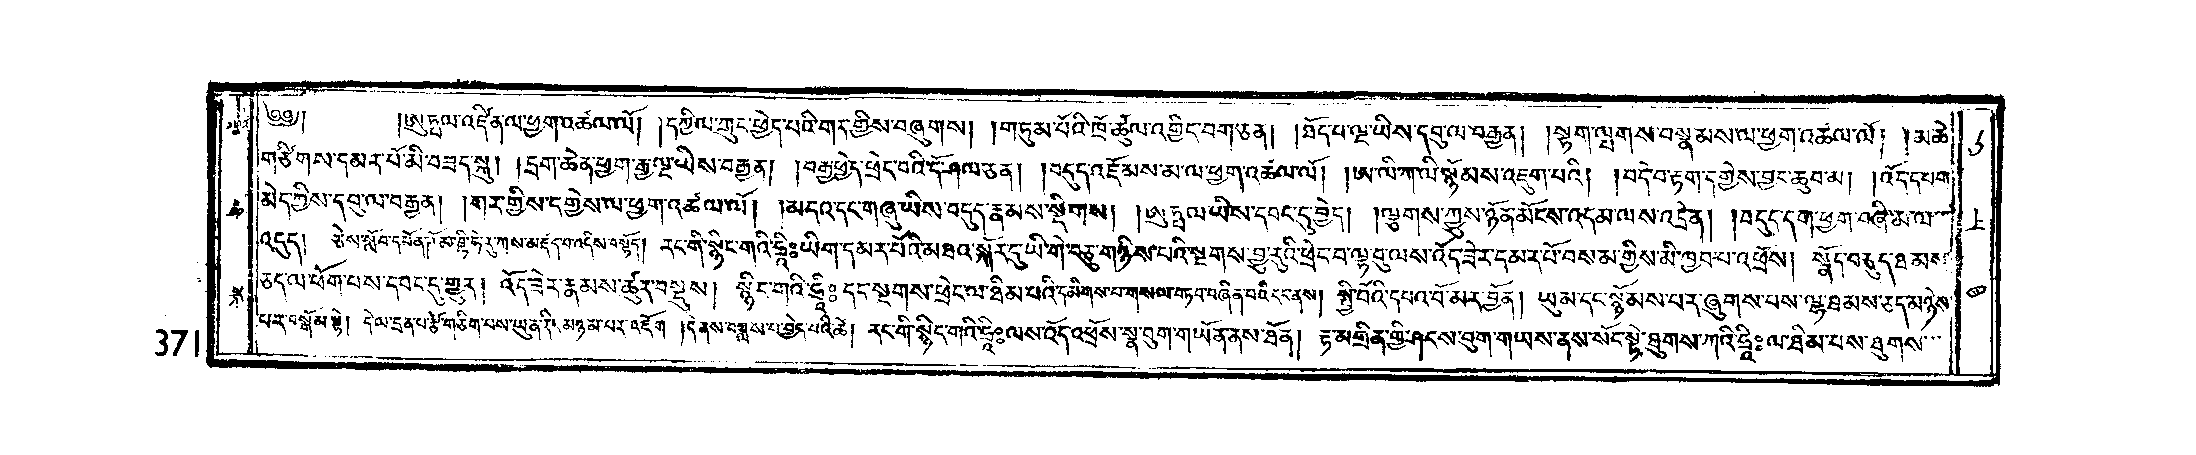༄༅། །ཨུཏྤལ་འཛིན་ལ་ཕྱག་འཚལ་ལོ། །དཀྱིལ་ཀྲུང་ཕྱེད་པའི་གར་གྱིས་བཞུགས། །གཏུམ་པོའི་ཁྲོ་ཚུལ་འགྱིང་བག་ཅན། །ཐོད་པ་ལྔ་ཡིས་དབུ་ལ་བརྒྱན། །སྟག་ལྤགས་བསྣམས་ལ་ཕྱག་འཚལ་ལོ། །མཆེ་
གཙིགས་དམར་པོ་མི་བཟད་སྐུ། །དྲག་ཆེན་ཕྱག་རྒྱ་ལྔ་ཡིས་བརྒྱན། །བརྒྱ་ཕྱེད་ཕྲེང་བའི་དོ་ཤལ་ཅན། །བདུད་འཇོམས་མ་ལ་ཕྱག་འཚལ་ལོ། །ཨ་ལི་ཀ་ལི་སྙོམས་འཇུག་པའི། །བདེ་བ་རྟག་དགྱེས་བྱང་ཆུབ་མ། །འོད་དཔག་
མེད་ཀྱིས་དབུ་ལ་བརྒྱན། །གར་གྱིས་དགྱེས་ལ་ཕྱག་འཚལ་ལོ། །མདའ་དང་གཞུ་ཡིས་བདུད་རྣམས་སྡིགས། །ཨུཏྤལ་ཡིས་དབང་དུ་བྱེད། །ལྕགས་ཀྱུས་ཉོན་མོངས་འདམ་ལས་འདྲེན། །བདུད་དག་ཕྱག་བཞི་མ་ལ་
འདུད། ཅེས་སློབ་དཔོན་ཌོ་མ་བྷི་ཧེ་རུ་ཀས་མཛད་པ་འདིས་བསྟོད། རང་གི་སྙིང་གའི་ཧྲཱིཿ ཡིག་དམར་པོའི་མཐའ་སྐོར་དུ་ཡི་གེ་བཅུ་གཉིས་པའི་སྔགས་བྱུ་རུའི་ཕྲེང་བ་ལྟ་བུ་ལས་འོད་ཟེར་དམར་པོ་བསམ་གྱིས་མི་ཁྱབ་པ་འཕྲོས། སྣོད་བཅུད་ཐམས་
ཅད་ལ་ཕོག་པས་དབང་དུ་གྱུར། འོད་ཟེར་རྣམས་ཚུར་བསྡུས། སྙིང་གའི་ཧྲཱིཿ དང་སྔགས་ཕྲེང་ལ་ཐིམ་པའི་དམིགས་པ་གསལ་བཏབ་བཞིན་པའི་ངང་ནས། སྤྱི་བོའི་དཔའ་བོ་མར་བྱོན། ཡུམ་དང་སྙོམས་པར་ཞུགས་པས་ལྷ་ཐམས་ཅད་མཉེས་
པར་བསྒོམ་སྟེ། དེ་ལ་དྲན་པ་རྩེ་གཅིག་པས་ཡུན་རིང་མཉམ་པར་འཇོག །དེ་ནས་བཟླས་པ་བྱེད་པའི་ཚེ། རང་གི་སྙིང་གའི་ཧྲཱིཿ ལས་འོད་འཕྲོས་སྣ་བུག་གཡོན་ནས་ཐོན། རྟ་མགྲིན་གྱི་ཤངས་བུག་གཡས་ནས་སོང་སྟེ་ཐུགས་ཀའི་ཧྲཱིཿ ལ་ཐིམ་པས་ཐུགས་